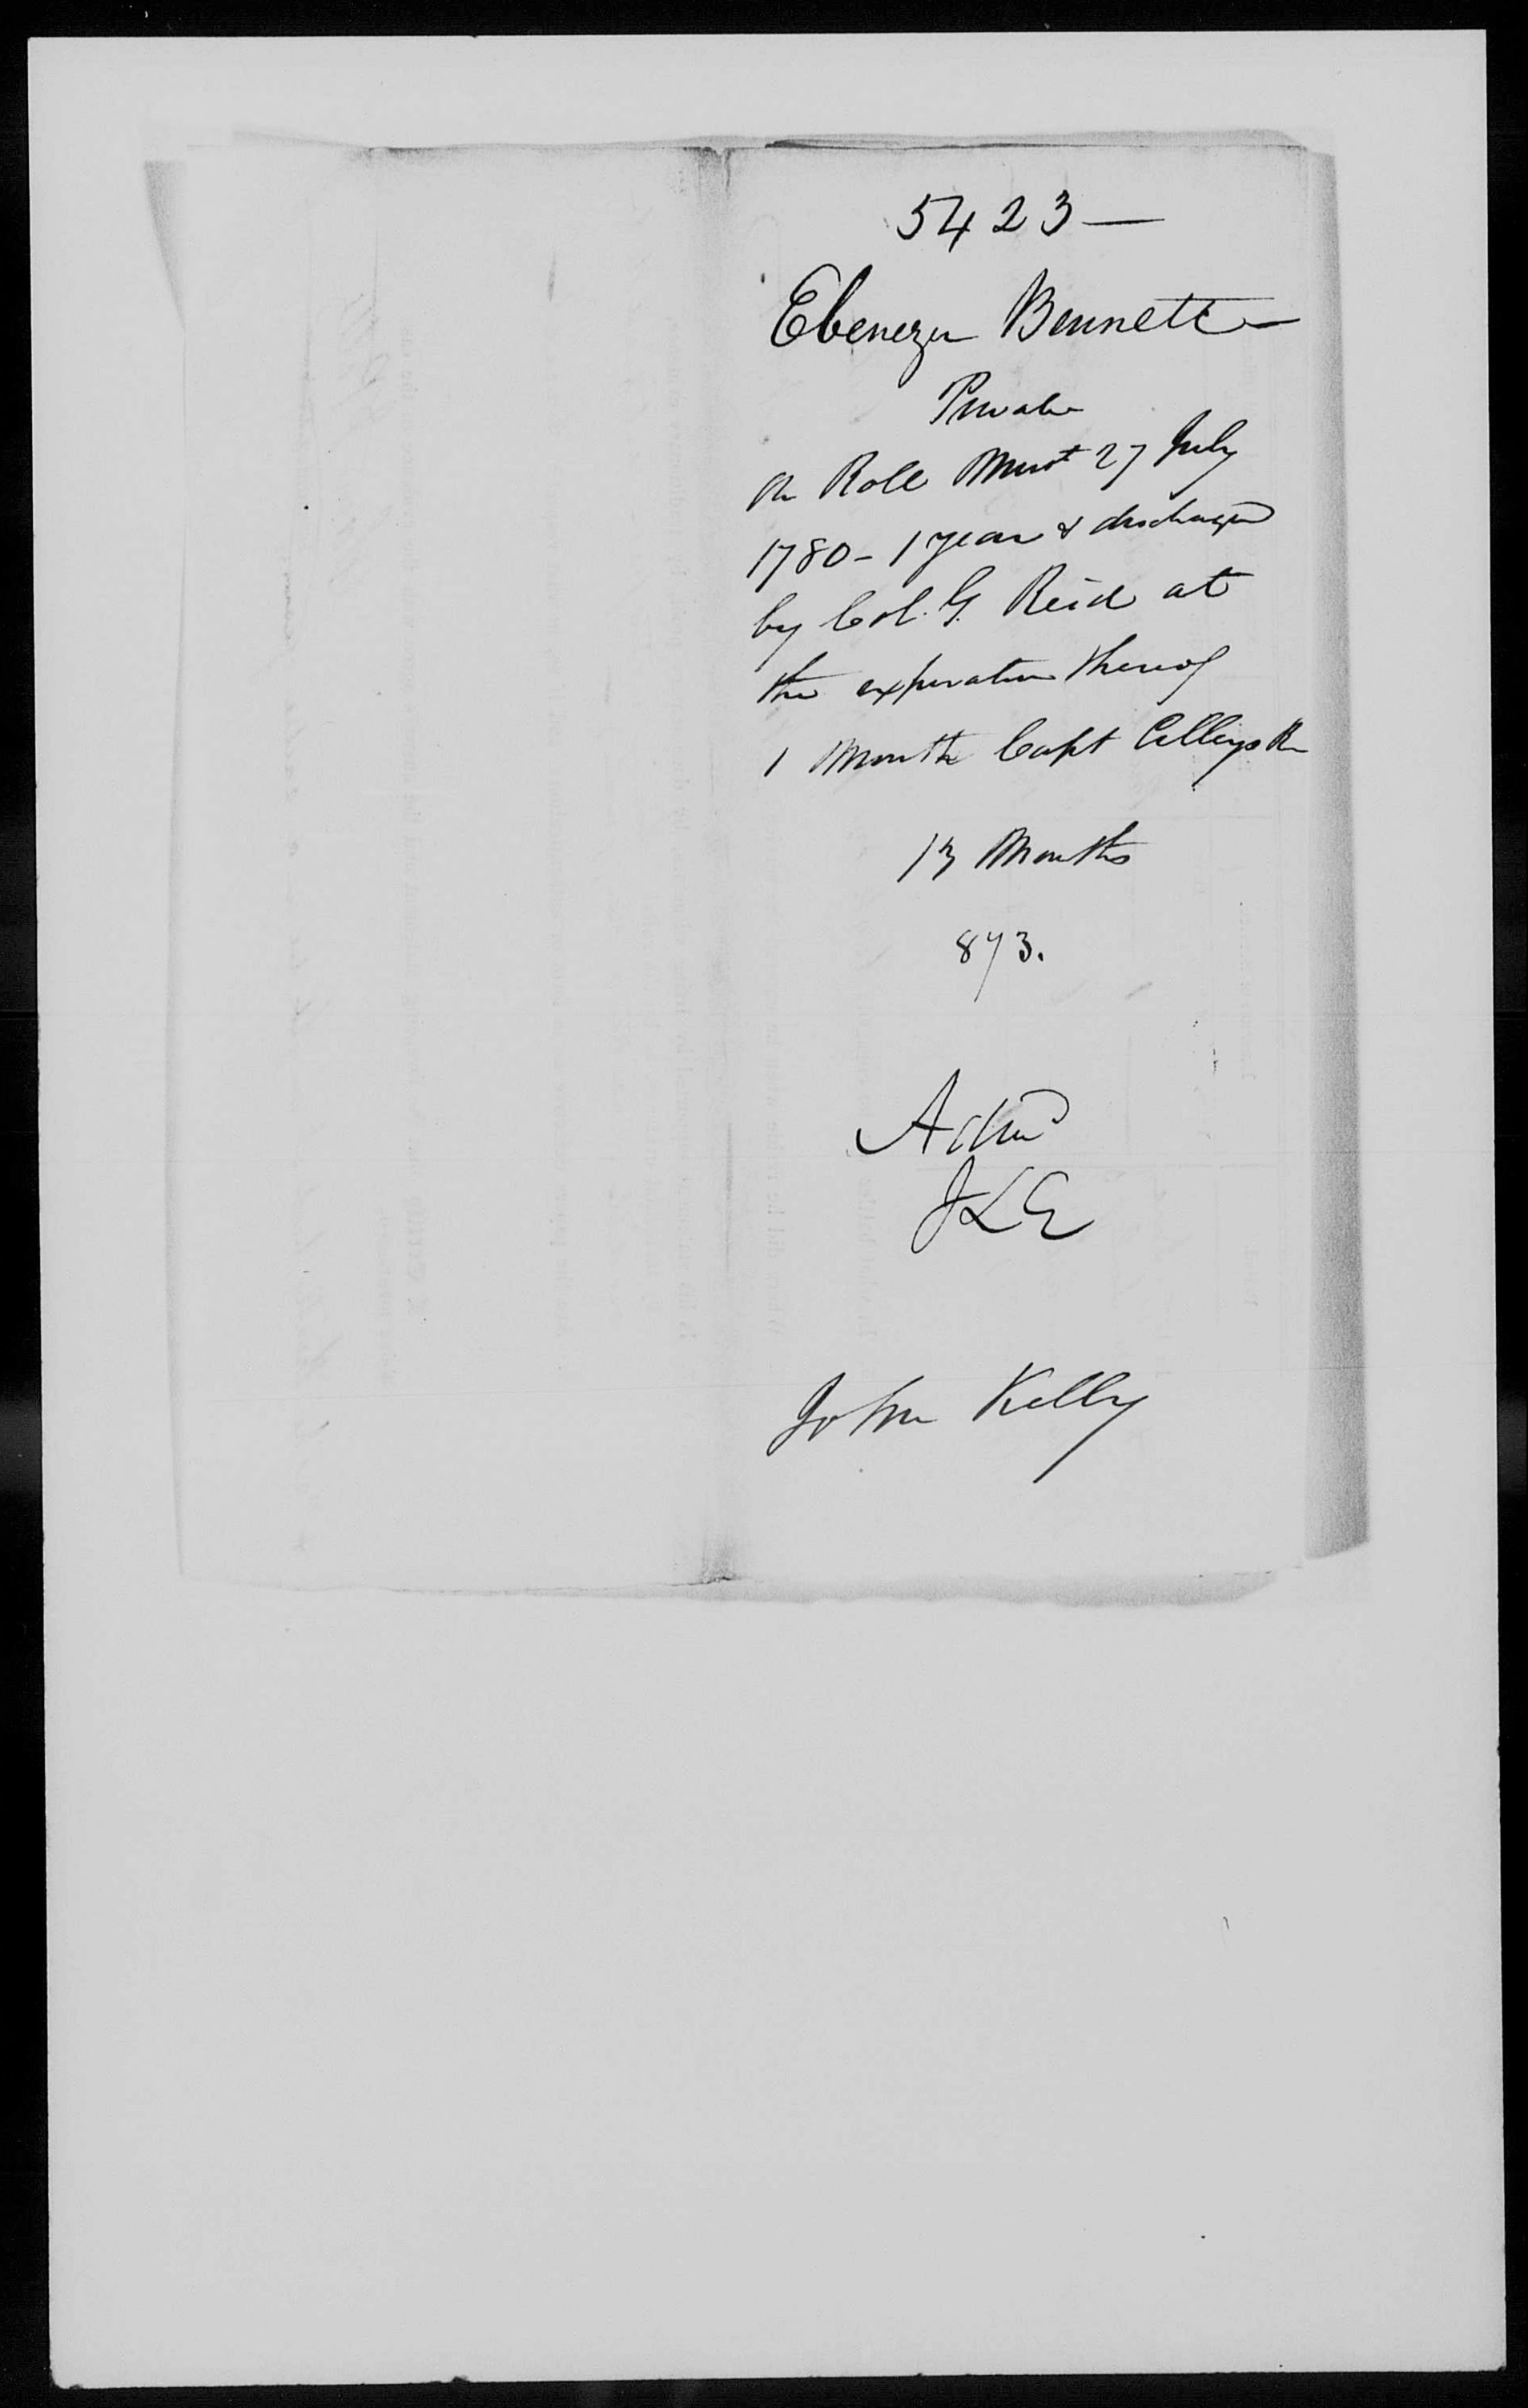5423-
Ebenzer Bennett
New Role Must 27 July 1780 - 1 year and discharge by Col. G. Reid at the expiration thereof 1 month Capt. Culley
13 Months
843.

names: Ebenezer Bennett, John Kelly, G Reid, Cilley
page: 7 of 43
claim: widow's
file: W. 21665, Ebenezer Bennett, N. H. Privateer.